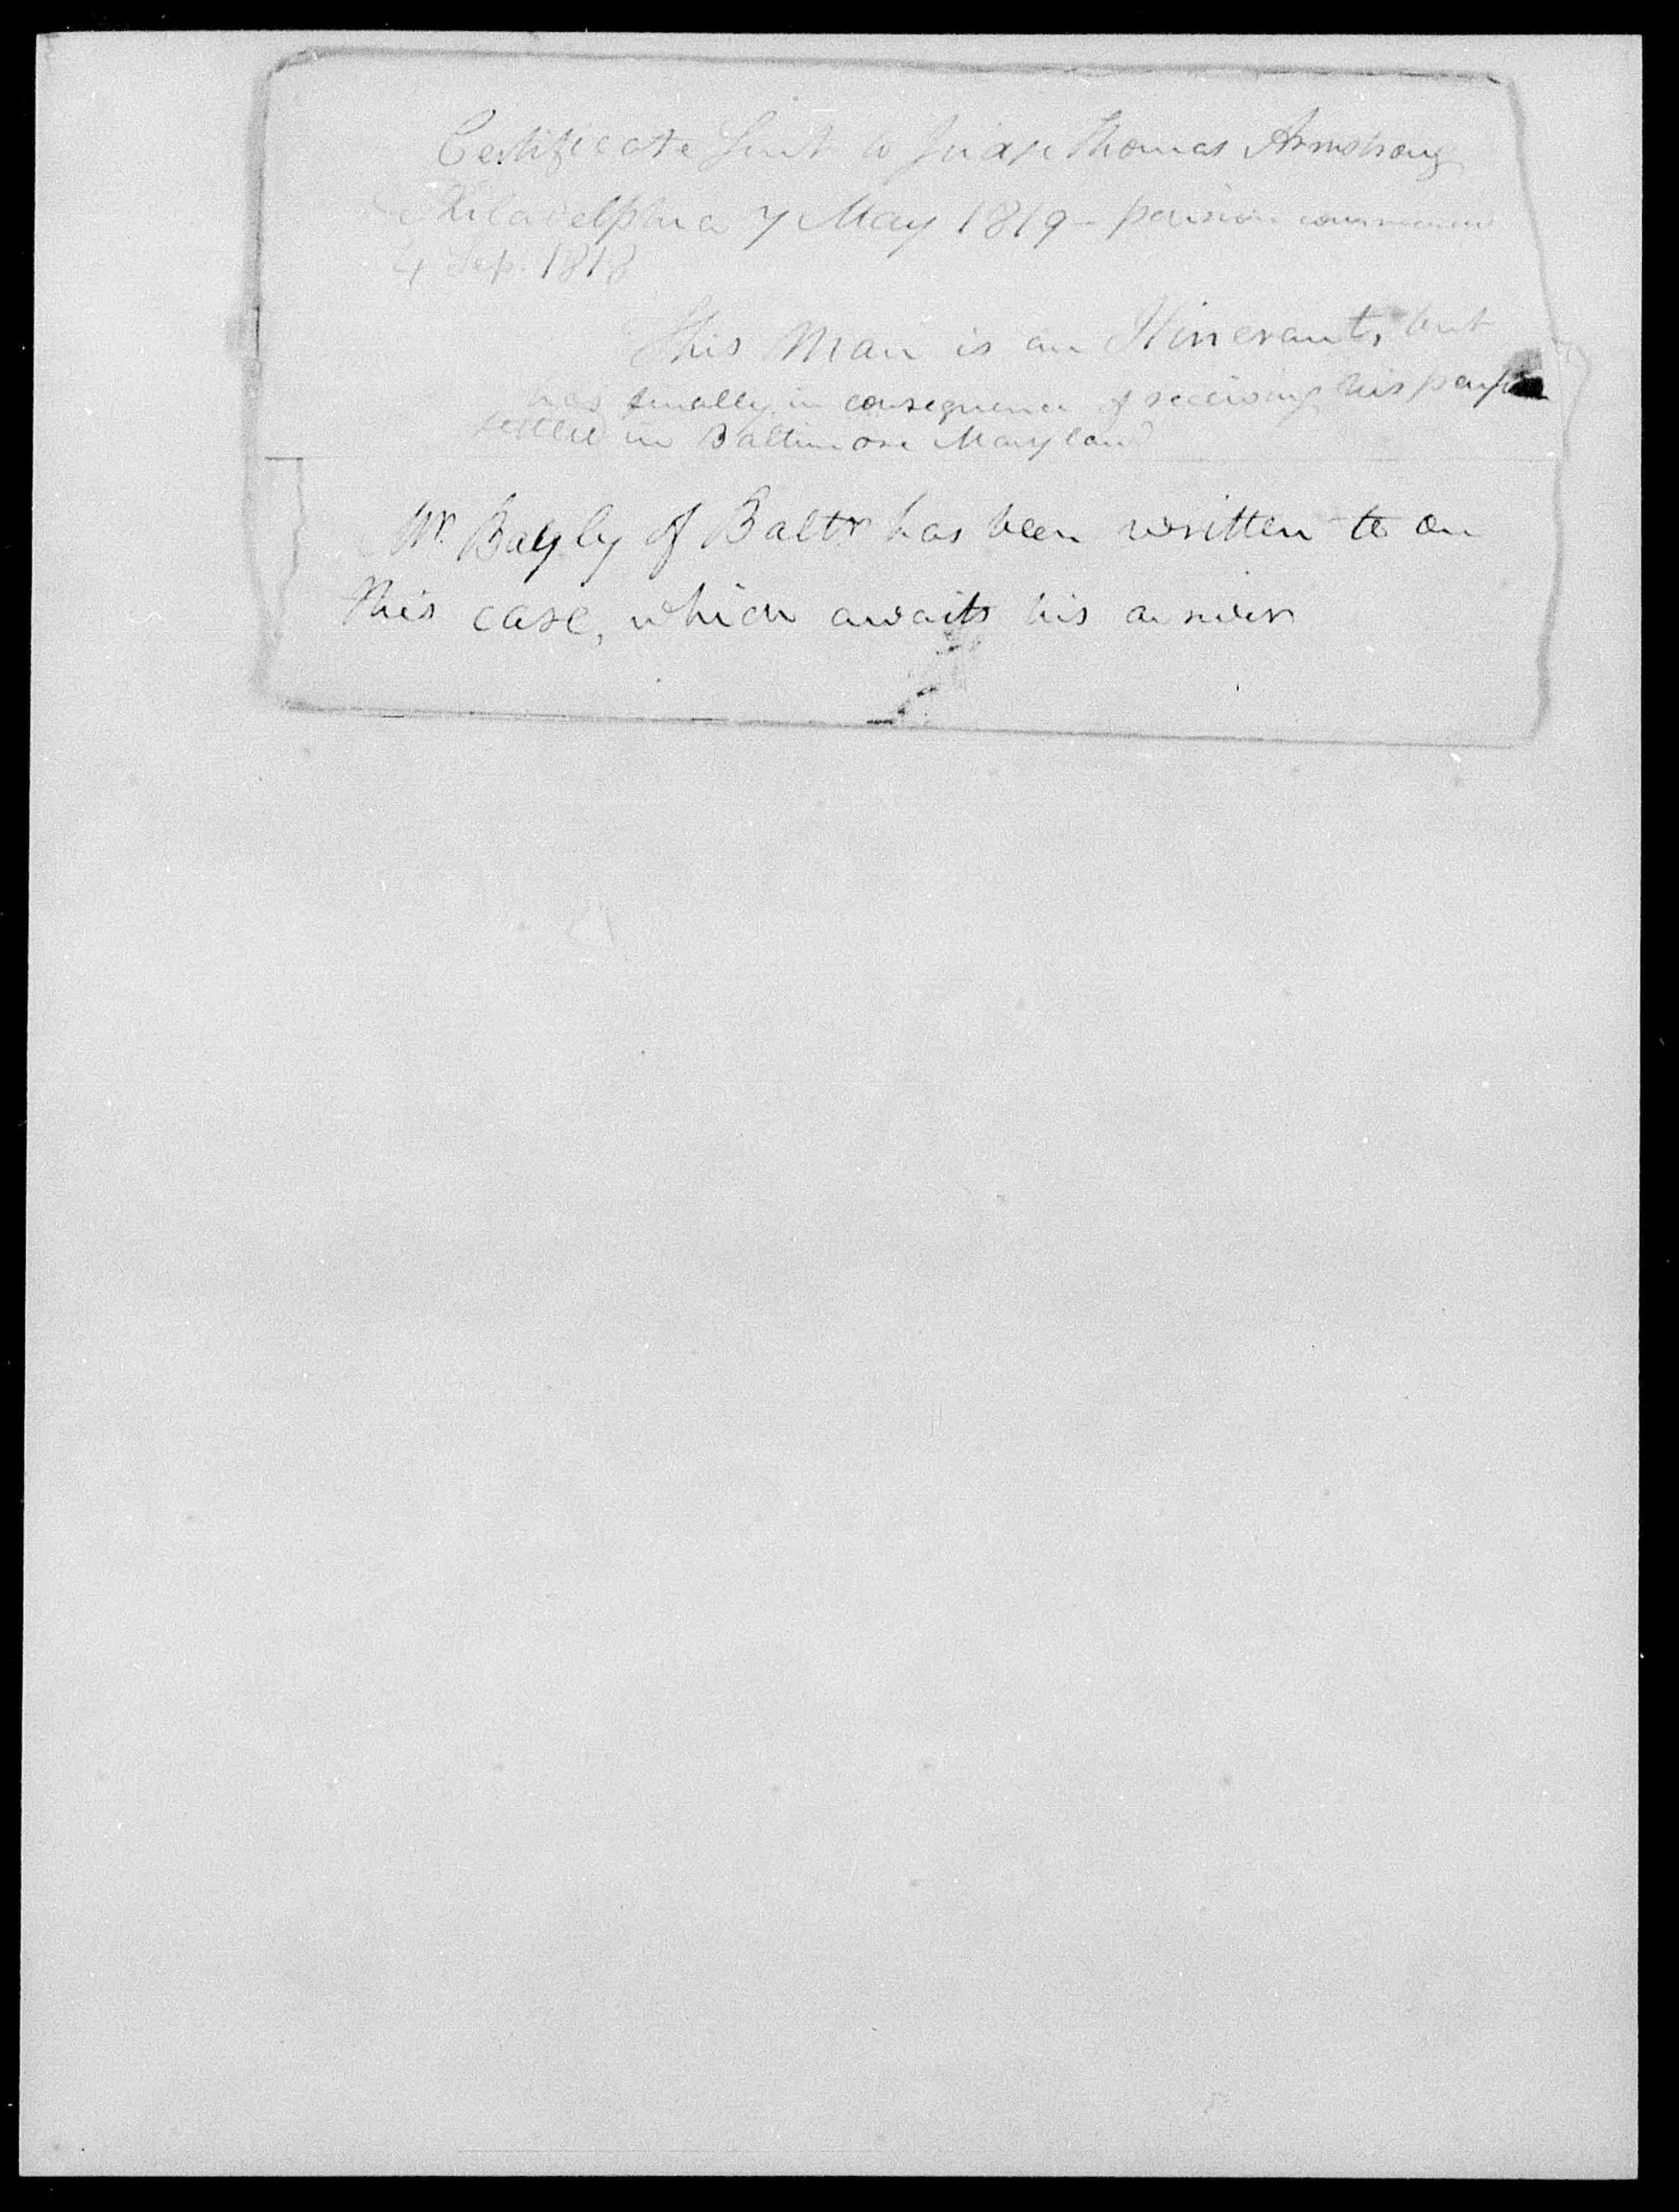Certificate sent to Judge Thomas Armstrong
Philadelphia 7 May 1819 pension commenced
4 Sep 1818

this man is an Itinerant, but has finally in consequence of receiving his paper
settled in Baltimore Maryland

W. Bayly of Balt'm has been written to on
this case, which awaits his [illegible]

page: 11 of 20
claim: survivor's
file: S. 40,119, for James Mathias, Maryland